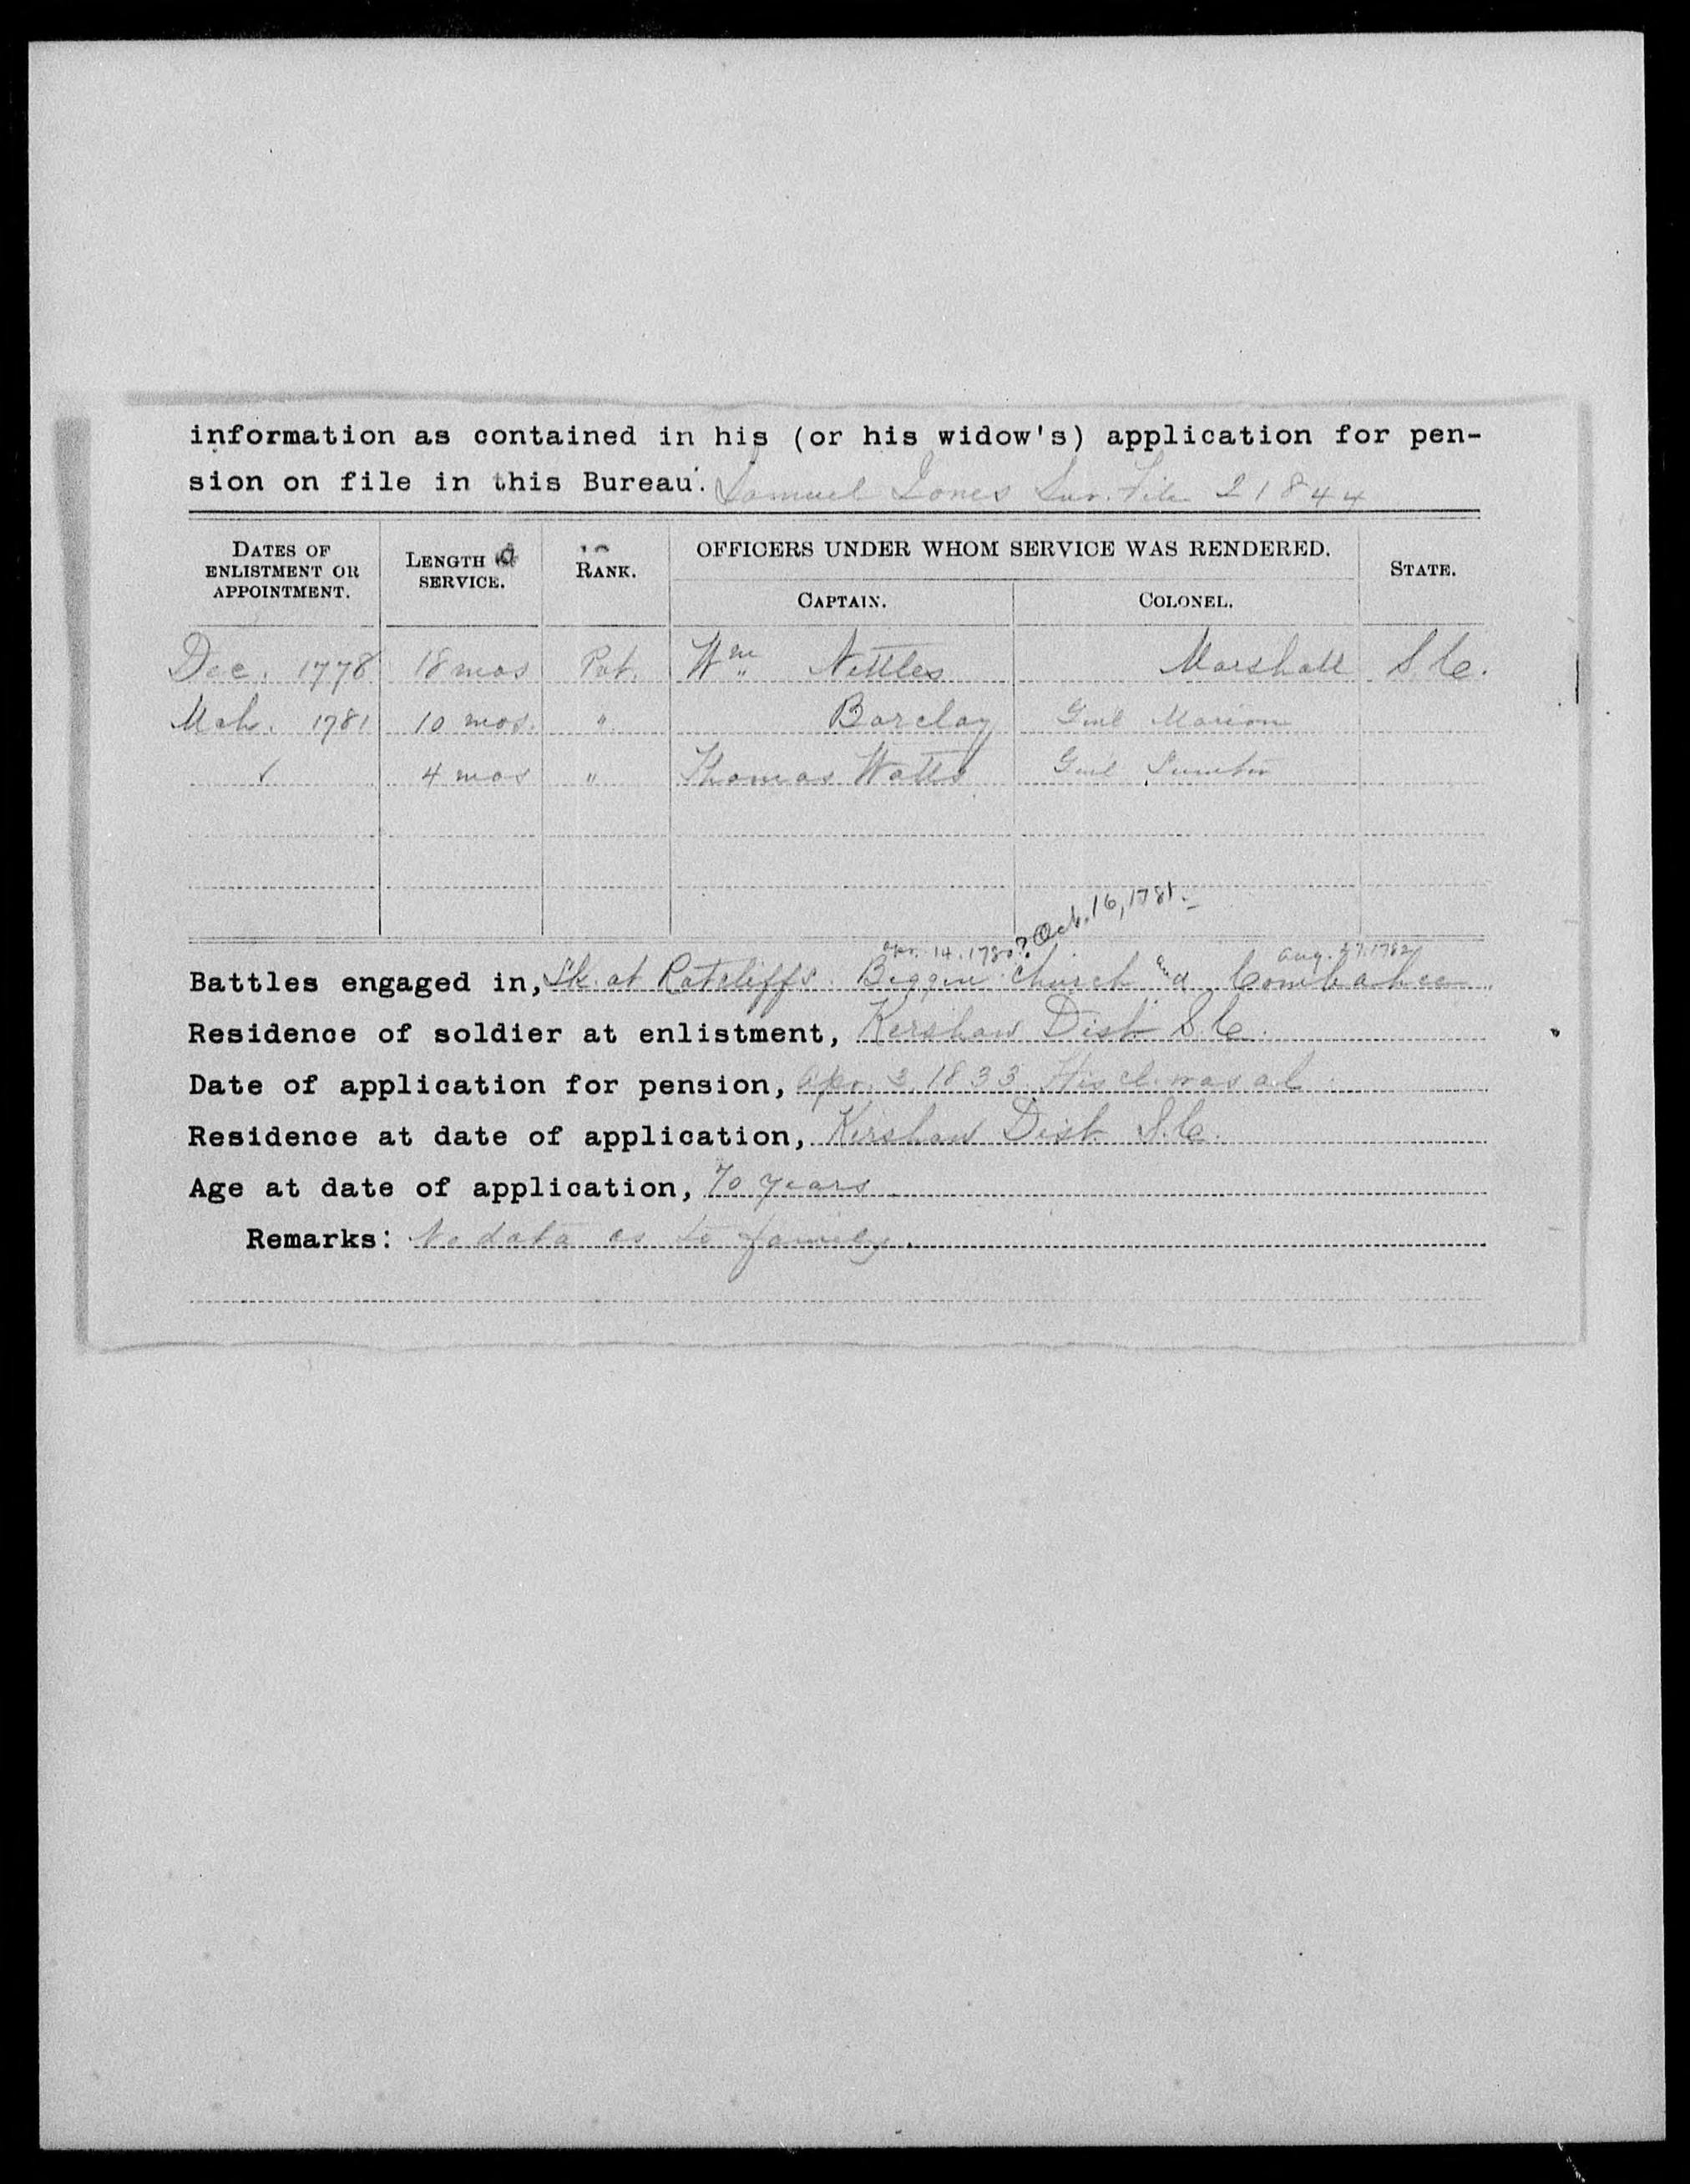information as contained in his (or his widow's) application for pension on file in this Bureau. Samuel Jones [illegible] Files 21844
Dates of Enlistment or appointment
Dec. 1778
March 1781
Length of service
18 Mos.
10 mos.
4 mos.
Rank
Pvt
Officers under whom service was rendered
Captain
Wm Nettles
Barclay
Thomas Watts
Colonel
Marshall
Genl Marion
Genl Sumter
State
SC
Battles engaged in: at Ratcliffs, Biggin Church apr 14 1780? October 16, 1781, and Combahee Aug. 27, 1782
Residence of soldier at enlistment, Kershaw Dist S. C.
Date of application for pension, Apr 3 1833 His [illegible]
Residence at date of application, Kershaw District S.C.
Age at date of application 70 years
Remarks: No data as to family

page: 25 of 28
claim: survivor's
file: S. 21844, for Samuel Jones, South Carolina